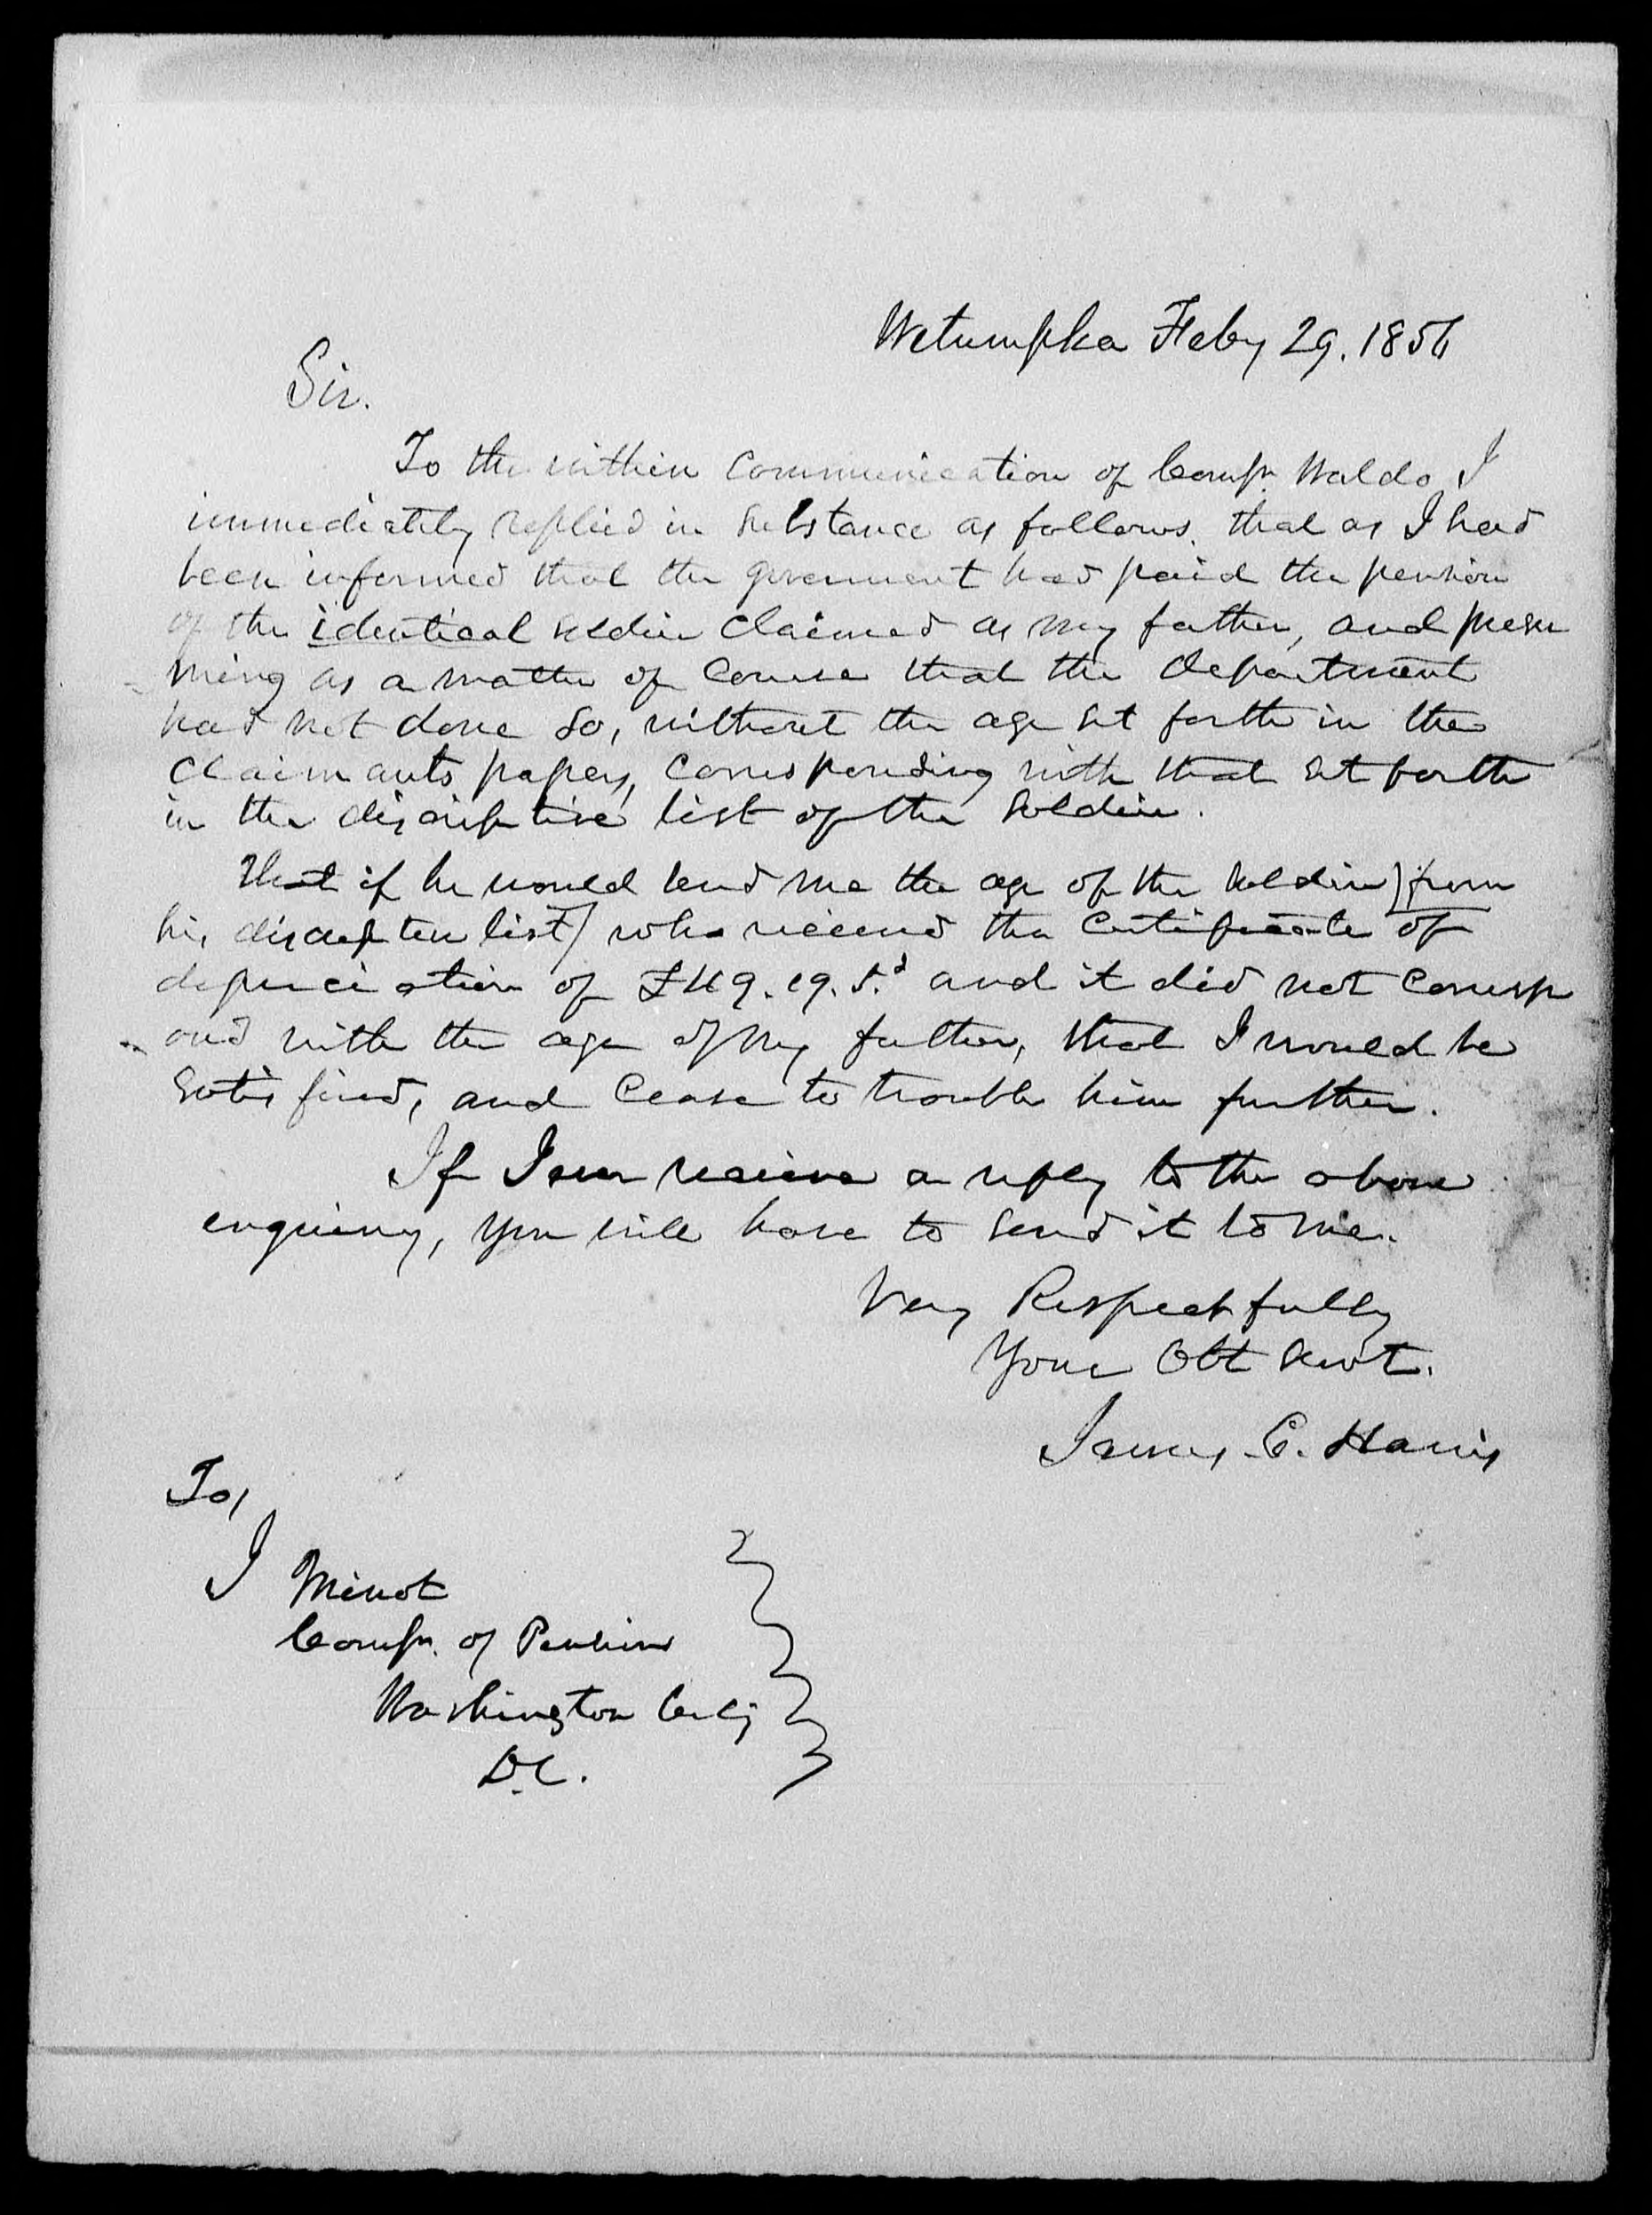Wetumpka Feby 29, 1856

Sir.
To the within communication of Comss. Waldo I immediately replied in substance as follows, that as I had been informed that the government had paid the pension of the identical soldier claimed as my father, and presuming as a matter of course that the department had not done so, without the age set forth in the claimants papers, corresponding with that set forth in the discriptive list of the soldier.
   that if he would send me the age of the soldier (from his discriptive list) who received the certificate of depreciation of [pound sterling sign] 49.19.5d and it did not correspond with the age of my father, that I would be satisfied, and cease to trouble him further.
   If I ever receive a reply to the above enquiry, you will have to send it to me.
    Very Respectfully
Your Obt Servt.
James C. Harris 

To,
I Minot
Comsn of Pension
Washington City
D.C.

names: James C Harris, J Minot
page: 39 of 160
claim: rejected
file: R. 4666, James Harris, Va.